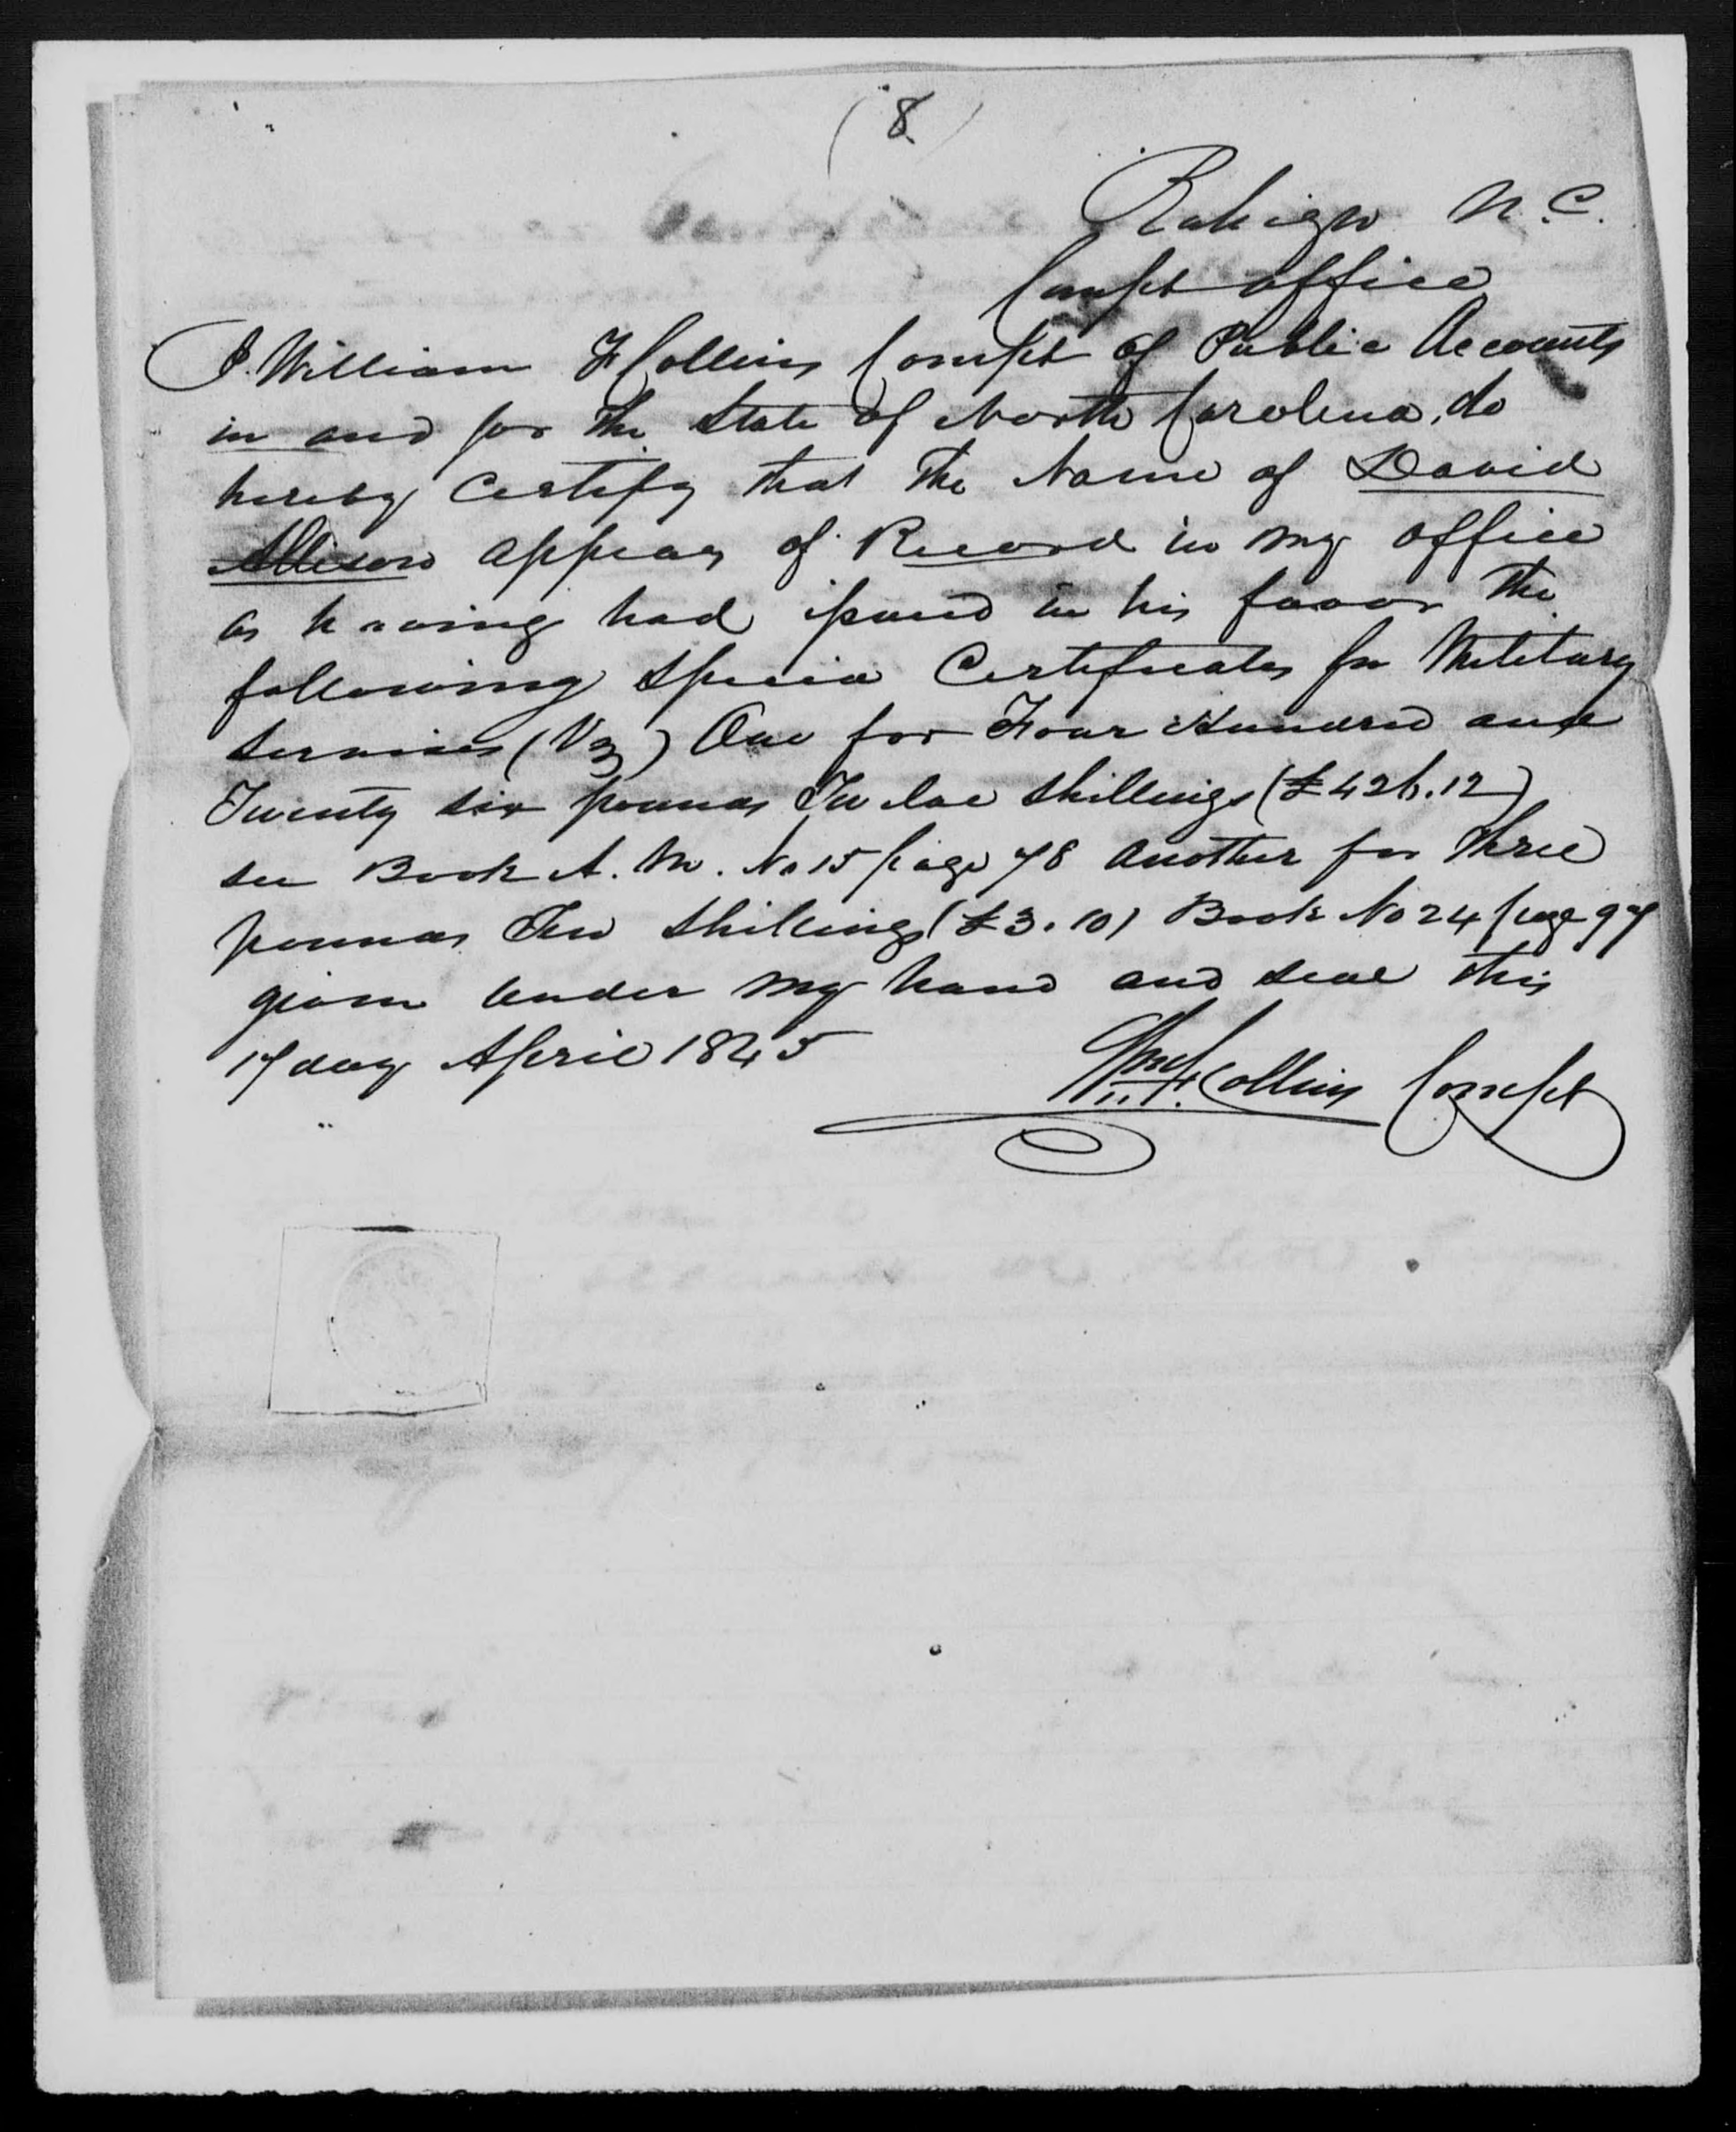Raleigh N C
Compt Office

I, William F Collins, Compt of Public Accounts in and for the State of North Carolina, do hereby certify that the claim of David Allison's appear of Record in my office as having had issued in his favor the following [illegible] certificates for military services (N3).  One for four hundred and twenty six pounds twelve shillings (L42.6.120) see Book,, A, Voll No 15, Page 78.  Another for three pounds ten shillings (L3.10) Book No 24, page 97.  Given under my hand and seal this 17 day of April 1843,
William F. Collins, Compt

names: David Allison, William F Collins, Wm F Collins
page: 19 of 33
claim: rejected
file: R. 155, David Allison, N.C.